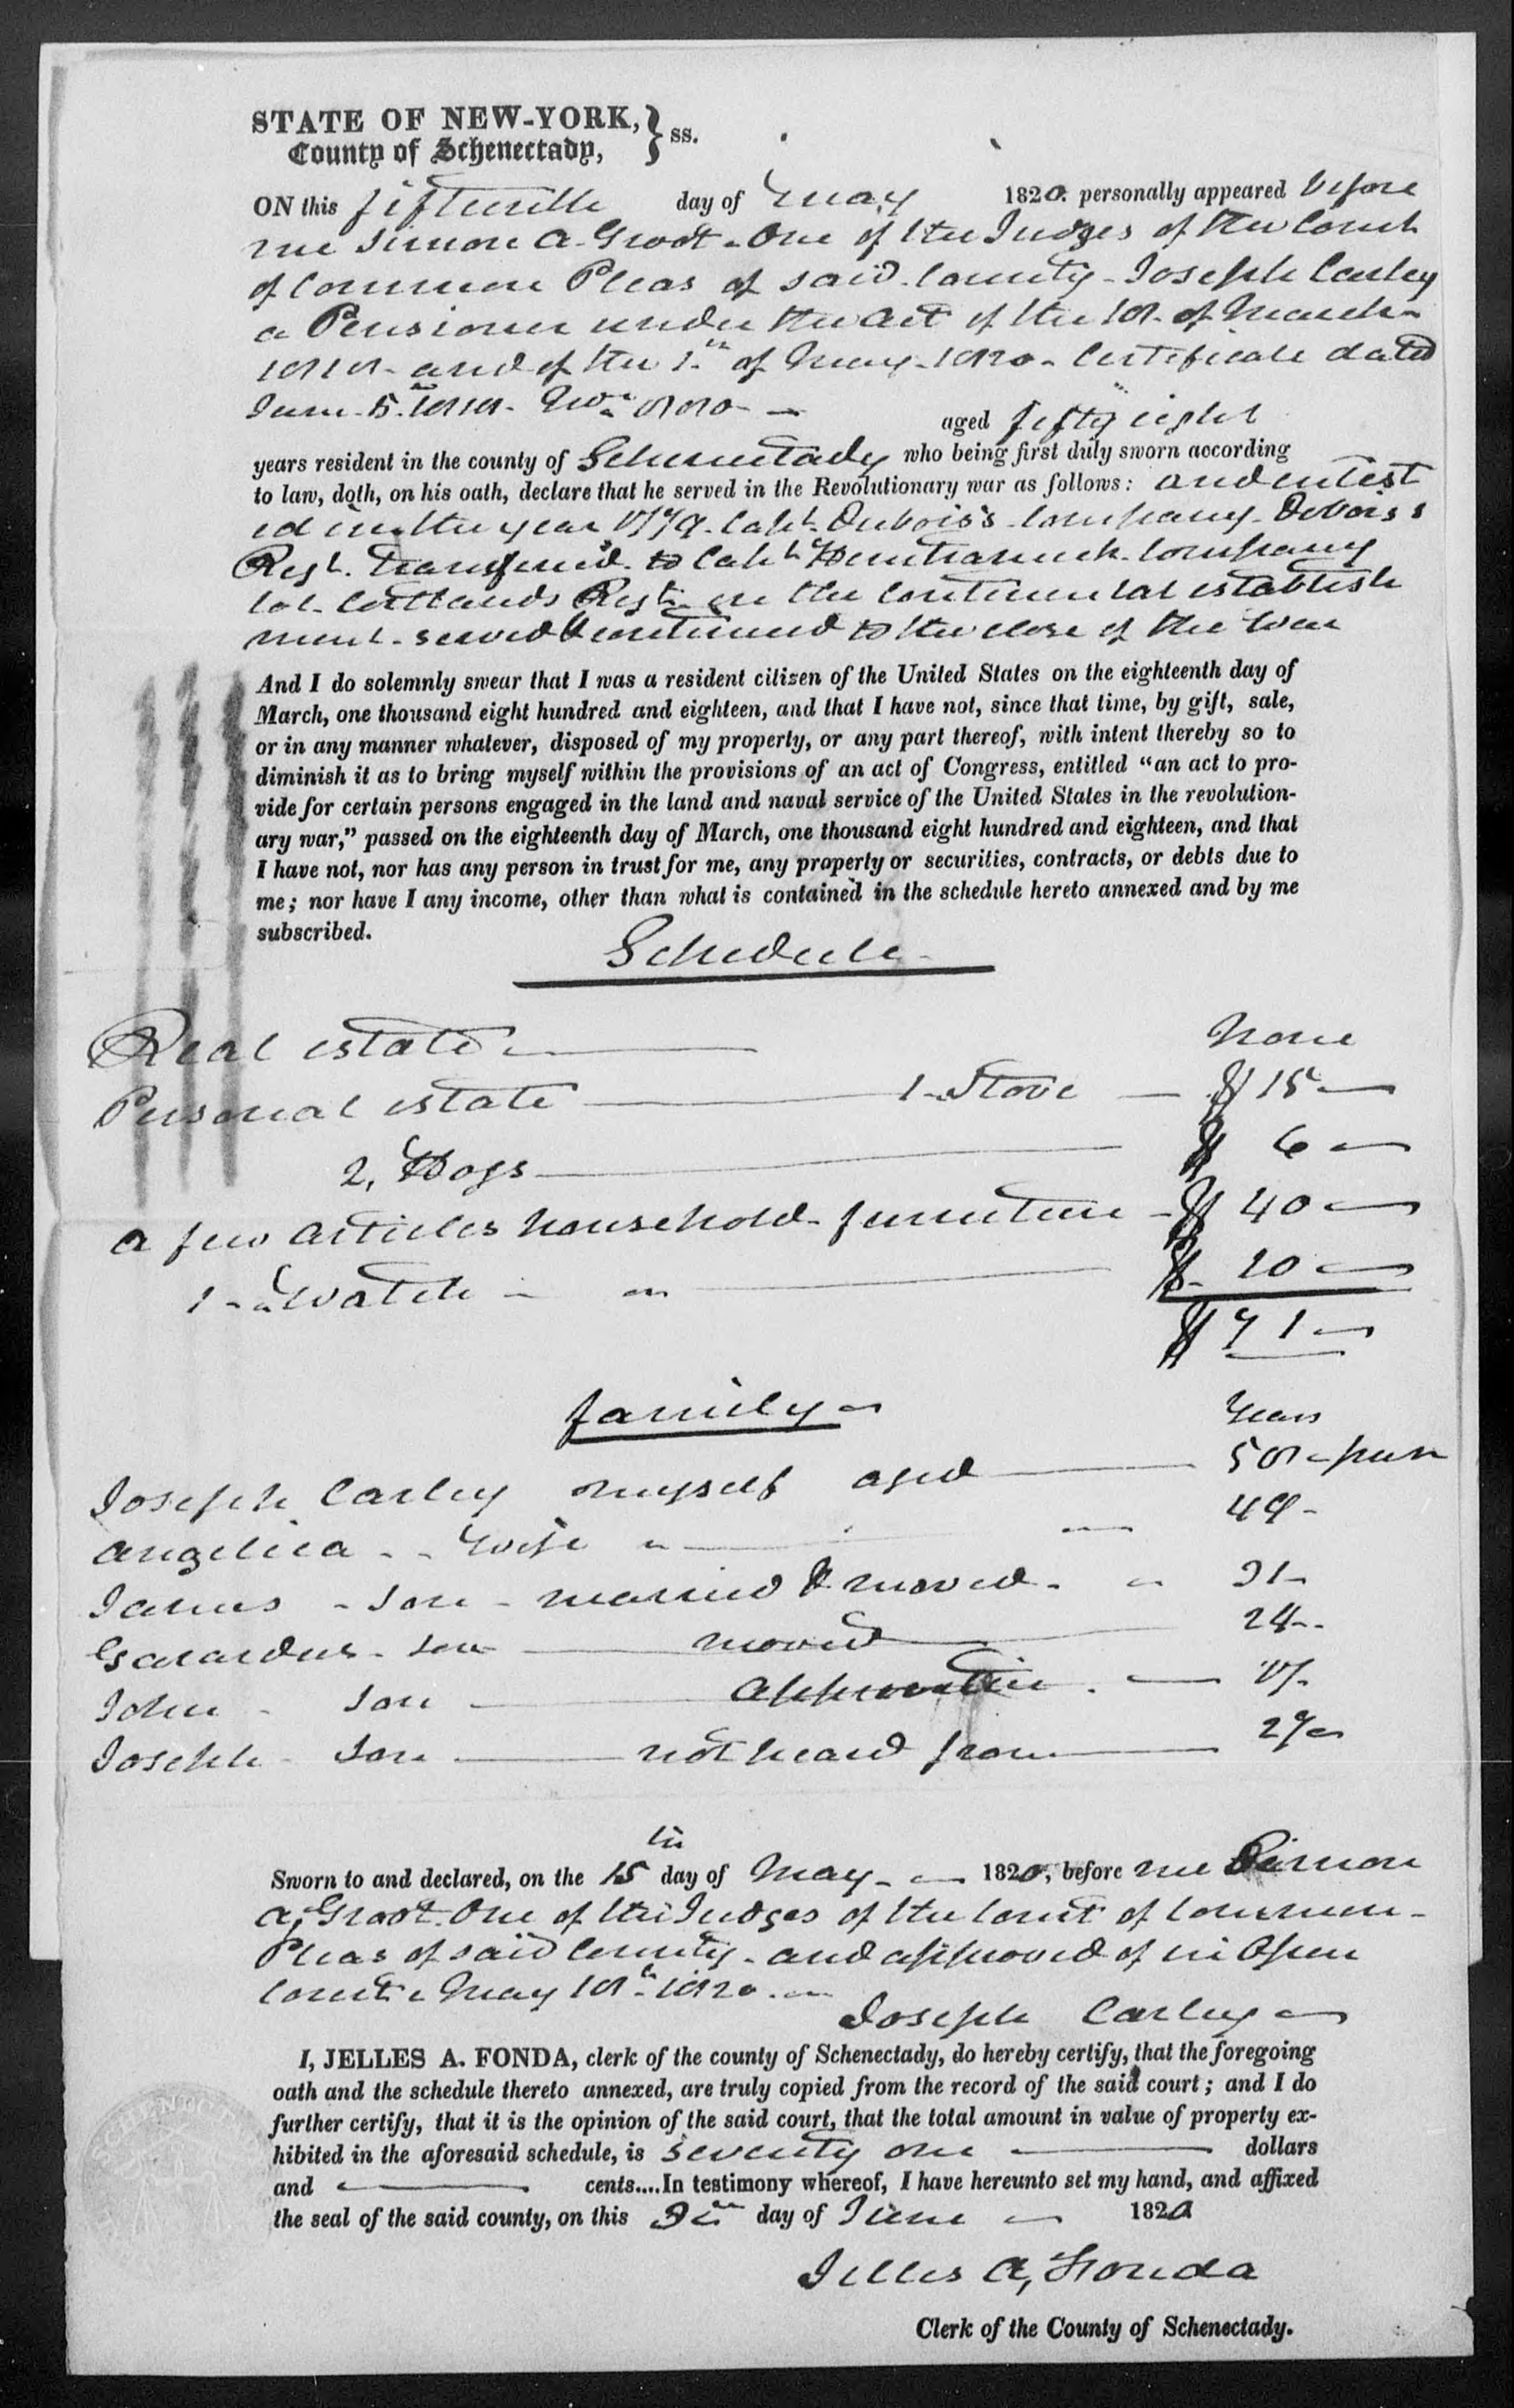State of New York
County of Schenectady 

On this fifteenth day of May 1820 personally appeared before me Simon A. Groot one of the Judges of the Court of Common Pleas of said County Joseph Carley a Pensioner under the Act of the 18th of March 1818  - and of the 1st of February 1820 - Certificate dated June 5th 1818  Rev. 
aged fifty eight years resident in the county of Schenectady who being first duly sworn according to law, doth, on his oath, declare that he served in the Revolutionary war as follows:  and enlisted in the year 1779. Capt. Dubois' company, Dubois Regt. transferred to Capt. Hawstramuck Company Col. Cortland's Regt. on the continental establishment served and continued to the close of the war

And I do solemnly swear that I was a resident citizen of the United States on the eighteenth day of March, one thousand eight hundred and eighteen, and that I have not, since that time, by gift, sale, or in any manner whatever, disposed of my property, or any part thereof, with intent thereby so to diminish it as to bring myself within the provisions of an act of Congress, entitled "an act to provide for certain persons engaged in the land and naval service of the United States in the revolutionary war', passed on the eighteenth day of March, one thousand eight hundred and eighteen, and that I have not, nor has any person in trust for me, any property or securities, contracts, or debts due to me; nor have I any income, other than what is contained in the schedule hereto annexed and by me subscribed.

Schedule

Real Estae - None
Personal Estate
1 Stove - $15.00
2 Hogs     $6.00
a few articles household furniture - $40.00
1 Watch      $10.00

--------------------------
$71.00


Family
Joseph Carley myself aged 58 years
Angelica - wife   49 years
James - son married and moved  - 21 years
Girardus - son moved  - 24 years
John  - son apprentice - 27 years
Joseph  - son  not heard from - 29 years

Sworn to and declared on the 15th day of May  - 1820, before me Simon A. Groot one of the Judges of the Court of Common Pleas of said County and approved of in open court May 10th 1820

Joseph Carley

I, Jelles A. Fonda, clerk of the county of Schenectady, do hereby certify, that the foregoing oath and the schedule thereto annexed, are truly copied from the record of the said court; and I do further certify, that it is the opinion of the said court, that the total amount in value of property exhibited in the aforesaid schedule, is seventy one dollars and  - cents...In testimony whereof, I have hereunto set my hand, and affixed the seal of the said county, on this 9th day of June 1820.

Jelles A. Fonda
Clerk of the County of Schenectady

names: Jelles A Fonda, Joseph Carley, John, Garardus, Joseph Carley, Joseph, Joseph Carley, Angelica, Simon A Groot, Jelles A Fonda, James, Simon A Groot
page: 9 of 16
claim: survivor's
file: S. 44371, Joseph Carley, New York.